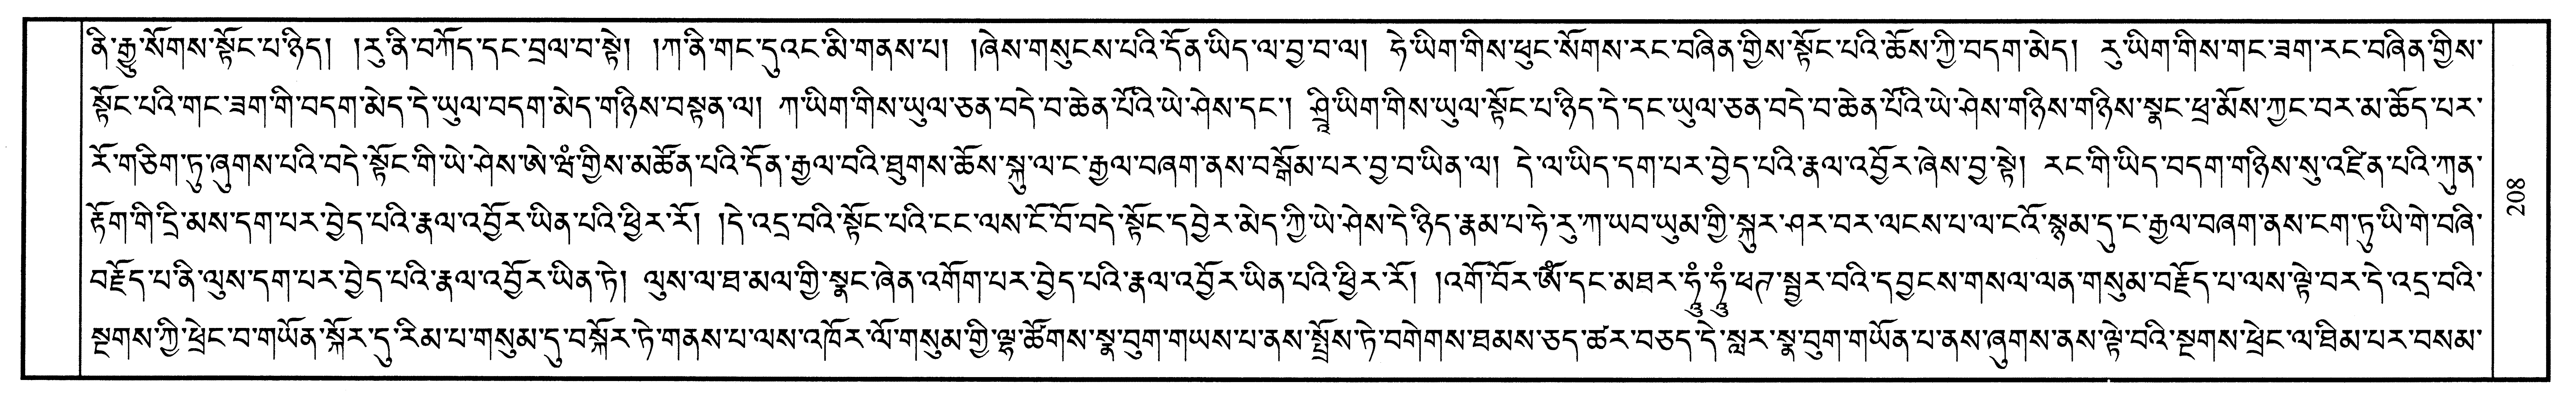ནི་རྒྱུ་སོགས་སྟོང་པ་ཉིད། །རུ་ནི་བཀོད་དང་བྲལ་བ་སྟེ། །ཀ་ནི་གང་དུའང་མི་གནས་པ། །ཞེས་གསུངས་པའི་དོན་ཡིད་ལ་བྱ་བ་ལ། ཧེ་ཡིག་གིས་ཕུང་སོགས་རང་བཞིན་གྱིས་སྟོང་པའི་ཆོས་ཀྱི་བདག་མེད། རུ་ཡིག་གིས་གང་ཟག་རང་བཞིན་གྱིས་
སྟོང་པའི་གང་ཟག་གི་བདག་མེད་དེ་ཡུལ་བདག་མེད་གཉིས་བསྟན་ལ། ཀ་ཡིག་གིས་ཡུལ་ཅན་བདེ་བ་ཆེན་པོའི་ཡེ་ཤེས་དང་། ཤྲཱི་ཡིག་གིས་ཡུལ་སྟོང་པ་ཉིད་དེ་དང་ཡུལ་ཅན་བདེ་བ་ཆེན་པོའི་ཡེ་ཤེས་གཉིས་གཉིས་སྣང་ཕྲ་མོས་ཀྱང་བར་མ་ཆོད་པར་
རོ་གཅིག་ཏུ་ཞུགས་པའི་བདེ་སྟོང་གི་ཡེ་ཤེས་ཨེ་ཝཾ་གྱིས་མཚོན་པའི་དོན་རྒྱལ་བའི་ཐུགས་ཆོས་སྐུ་ལ་ང་རྒྱལ་བཞག་ནས་བསྒོམ་པར་བྱ་བ་ཡིན་ལ། དེ་ལ་ཡིད་དག་པར་བྱེད་པའི་རྣལ་འབྱོར་ཞེས་བྱ་སྟེ། རང་གི་ཡིད་བདག་གཉིས་སུ་འཛིན་པའི་ཀུན་
རྟོག་གི་དྲི་མས་དག་པར་བྱེད་པའི་རྣལ་འབྱོར་ཡིན་པའི་ཕྱིར་རོ། །དེ་འདྲ་བའི་སྟོང་པའི་ངང་ལས་ངོ་བོ་བདེ་སྟོང་དབྱེར་མེད་ཀྱི་ཡེ་ཤེས་དེ་ཉིད་རྣམ་པ་ཧེ་རུ་ཀ་ཡབ་ཡུམ་གྱི་སྐུར་ཤར་བར་ལངས་པ་ལ་ངའོ་སྙམ་དུ་ང་རྒྱལ་བཞག་ནས་ངག་ཏུ་ཡི་གེ་བཞི་
བརྗོད་པ་ནི་ལུས་དག་པར་བྱེད་པའི་རྣལ་འབྱོར་ཡིན་ཏེ། ལུས་ལ་ཐ་མལ་གྱི་སྣང་ཞེན་འགོག་པར་བྱེད་པའི་རྣལ་འབྱོར་ཡིན་པའི་ཕྱིར་རོ། །འགོ་བོར་ཨོཾ་དང་མཐར་ཧཱུཾ་ཧཱུཾ་ཕཊ་སྦྱར་བའི་དབྱངས་གསལ་ལན་གསུམ་བརྗོད་པ་ལས་ལྟེ་བར་དེ་འདྲ་བའི་
སྔགས་ཀྱི་ཕྲེང་བ་གཡོན་སྐོར་དུ་རིམ་པ་གསུམ་དུ་བསྐོར་ཏེ་གནས་པ་ལས་འཁོར་ལོ་གསུམ་གྱི་ལྷ་ཚོགས་སྣ་བུག་གཡས་པ་ནས་སྤྲོས་ཏེ་བགེགས་ཐམས་ཅད་ཚར་བཅད་དེ་སླར་སྣ་བུག་གཡོན་པ་ནས་ཞུགས་ནས་ལྟེ་བའི་སྔགས་ཕྲེང་ལ་ཐིམ་པར་བསམ་